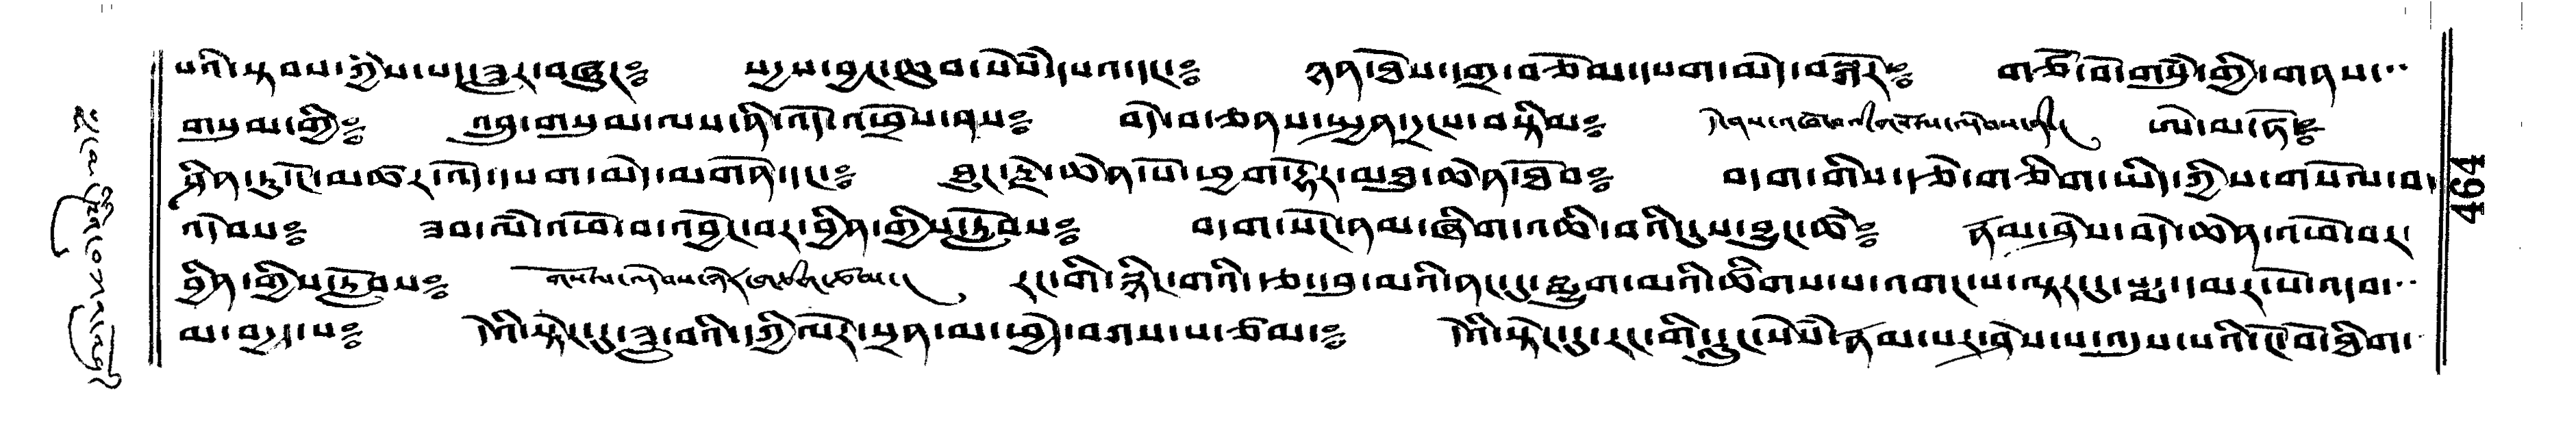སྟབས་ཀྱིས་པད་ཟླར་བཞུགས༔ སངས་རྒྱས་བྱང་ཆུབ་སེམས་དཔའ་དང༔ ཉན་ཐོས་དགྲ་བཅོམ་དཔག་མེད་བསྐོར༔ གཙོ་བོ་གསུམ་གྱི་གནས་
.གསུམ་གྱི༔ འབྲུ་གསུམ་ལས་ནི་འོད་འཕྲོས་ནས༔ བདེ་བ་ཅན་ནས་སྤྱན་དྲངས་བསྟིམ༔ དེ་ནས་འཕོ་བའི་གསོལ་འདེབས་ནི། ཨེ་མ་ཧོ༔ 
ཤིན་ཏུ་ངོ་མཚར་འོད་དཔག་མེད་མགོན་དང༔ ཐུགས་རྗེས་ཆེན་པོ་ཕྱག་རྡོར་མཐུ་ཆེན་ཐོབ༔ བདག་གིས་རྩེ་གཅིག་ཡིད་ཀྱིས་གསོལ་བ་
འདེབས༔ ཟབ་ལམ་འཕོ་བ་འབྱོངས་བར་བྱིན་གྱིས་རློབས༔ བདག་སོགས་ནམ་ཞིག་འཆི་བའི་དུས་བྱུང་ཚེ༔ རྣམ་ཤེས་བདེ་ཆེན་འཕོ་བར་
བྱིན་གྱིས་རློབས༔ གསོལ་འདེབས་ཉེར་གཅིག་ཙམ། རང་གི་སྙིང་གའི་རྩ་དབུ་མའི་ནང་དུ་སྨྱུག་མའི་ཚིགས་པ་འགགས་པ་ལྟར་དུ་པདྨ་དམར་པོ་འདབ་
མ་བརྒྱད་པ༔ དེའི་སྟེང་དུ་ཟླ་བའི་དཀྱིལ་འཁོར་སྲན་མ་ཕྱེད་བཀས་པ་ཙམ༔ དེའི་སྟེང་དུ་རང་གི་རླུང་སེམས་རྣམ་པར་ཤེས་པ་འདུས་པའི་ངོ་བོ་ཐིག་